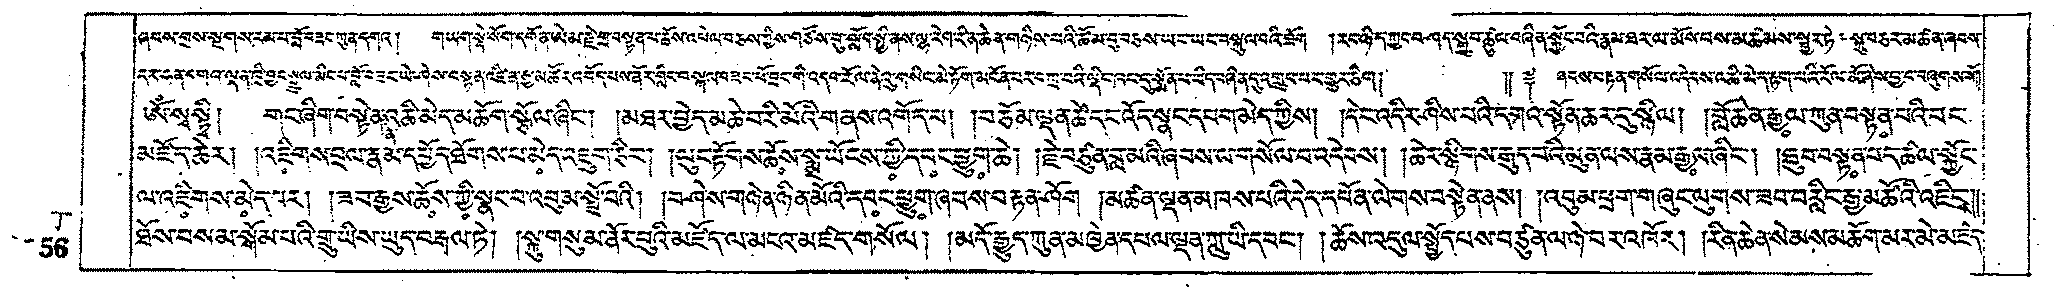ཞབས་གྲས་སྔགས་རམ་པ་བློ་བཟང་ཀུན་དགའ། གཡག་སྡེ་སོག་དགོན་ཨེ་མ་རྗེ་གྲ་བསྟན་པ་ཆོས་འཕེལ་བཅས་ཀྱིས་གཙོས་བུ་སློབ་སྤྱི་ནས་ལྷ་རེག་རིན་ཆེན་གཉིས་པའི་ཚོམ་བུ་བཅས་ཡང་ཡང་བསྐུལ་བའི་ཐོག །རང་ཉིད་ཀྱང་བཤད་སྒྲུབ་ཚུལ་བཞིན་སྐྱོང་བའི་རྣམ་ཐར་ལ་མོས་པས་མཚམས་སྦྱར་ཏེ ༧སྐུ་བཅར་མཚན་ཞབས་
དར་ཧན་དགའ་ལྡན་ཁྲི་བྱང་སྤྲུལ་མིང་པ་བློ་བཟང་ཡེ་ཤེས་བསྟན་འཛིན་རྒྱ་མཚོར་འབོད་པས་ནོར་གླིང་བསྐལ་བཟང་ཕོ་བྲང་གི་འདབ་རོལ་ནེའུ་གསིང་མེ་ཏོག་མངོན་པར་བཀྲ་བའི་ལྡིང་ཁང་དུ་སྨོན་པ་ཡིད་བཞིན་དུ་འགྲུབ་པར་གྱུར་ཅིག། །། འ་ཞབས་བརྟན་གསོལ་འདེབས་འཆི་མེད་རྟག་པའི་རོལ་མོ་ཞེས་བྱ་བ་བཞུགས་སོ།།
ཨོཾ་སྭསྟྭི། གང་ཞིག་བསྟེན་ན་འཆི་མེད་མཆོག་སྩོལ་ཞིང་། །མཐར་བྱེད་མཆེ་བ་རི་མོའི་གནས་འགོད་པ། །བཅོམ་ལྡན་ཚེ་དང་འོད་སྣང་དཔག་མེད་ཀྱིས། །དེང་འདིར་ཤིས་པའི་དགའ་སྟོན་ཆར་དུ་སྙིལ། །བློ་ཆེན་རྒྱལ྾་ཀུན་བསྟན྾་པའི་བང་
མཛོད་ཆེར། །འཇིགས྾་བྲལ་རྣམ་དཔྱོད་ཐོགས་པ་མེད྾་འཇུག་ཅིང་། །ལུང་རྟོགས་ཆོས྾་སྨྲ་ཡོངས་ཀྱི྾་དབང྾་ཕྱུག྾་ཆེ། །རྗེ་བཙུན་བླ་མའི་ཞབས་ལ་གསོལ་བ་འདེབས། །ཆེར་སྙིགས་རྒུད་པའི་མུན་ལས་རྣམ་རྒྱལ྾་ཞིང་། །ཐུབ་བསྟན྾་པད་ཚལ་སྐྱོང་
ལ་འཇིགས྾་མེད྾་པར། །ཟབ་རྒྱས་ཆོས྾་ཀྱི྾་སྣང་བ་འབུམ་སྤྲོ་བའི། །བཤེས་གཉེན་ཉིན་མོའི་དབང྾་ཕྱུག྾་ཞབས་བརྟན་ཤོག །མཚན་ལྡན་མཁས་པའི་དེད་དཔོན་ལེགས་བསྟེན་ནས། །འབུམ་ཕྲག་གཞུང་ལུགས་ཟབ་བརླིང་རྒྱ་མཚོའི་འཇིངས།།
ཐོས་བསམ་སྒོམ་པའི་གྲུ་ཡིས་ཡུད་བརྒལ་ཏེ། །སྐུ་གསུམ་ནོར་བུའི་མཛོད་ལ་མངའ་མཛད་གསོལ། །མདོ་རྒྱུད་ཀུན་མཁྱེན་དཔལ་ལྡན་ཀླུ་ཡི་དབང་། །ཆོས་འདུལ་སྤྱོད་པས་བཙུན་ལ་ཉེ་བར་འཁོར། །རིན་ཆེན་སེམས་མཆོག་མར་མེ་མཛད་